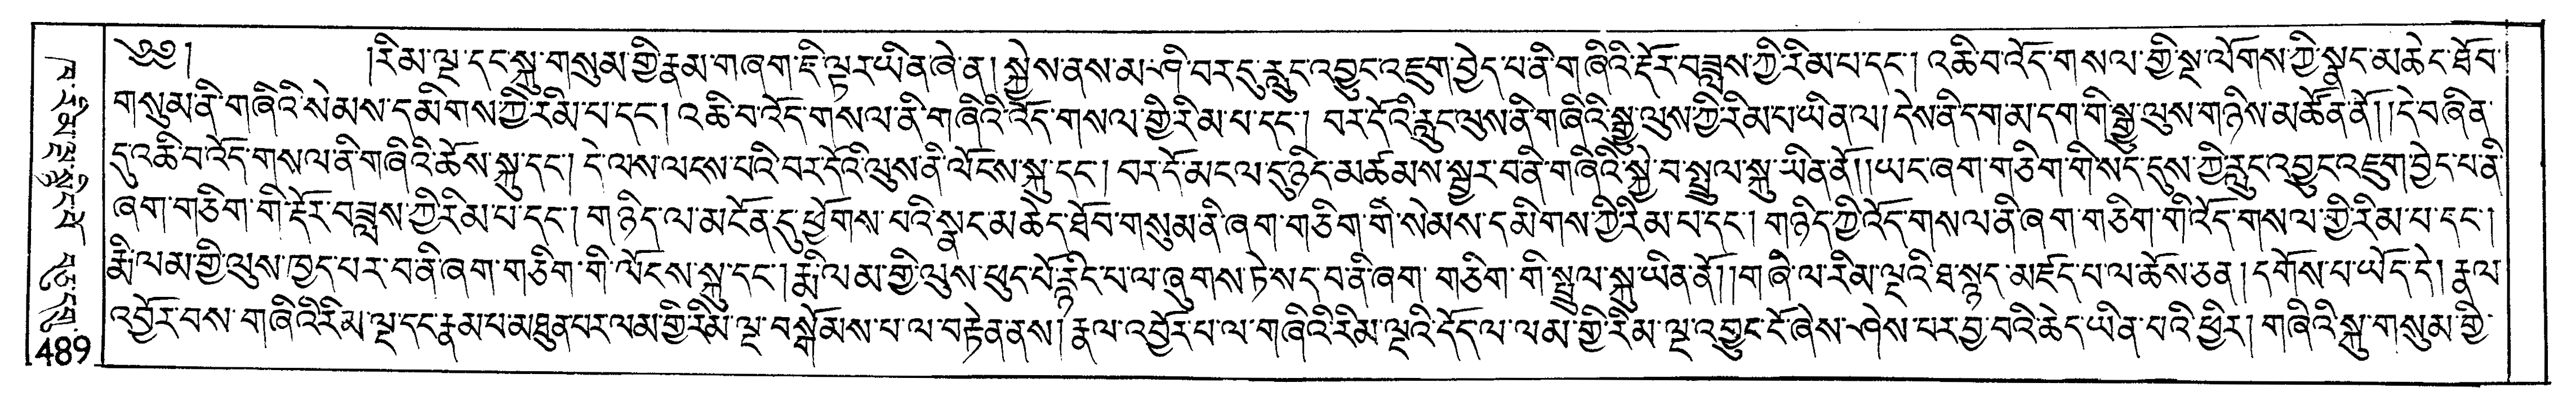༄༅། །རིམ་ལྔ་དང་སྐུ་གསུམ་གྱི་རྣམ་གཞག་ཇི་ལྟར་ཡིན་ཞེ་ན། སྐྱེས་ནས་མ་ཤི་བར་དུ་རླུང་འབྱུང་འཇུག་བྱེད་པ་ནི་གཞིའི་རྡོར་བཟླས་ཀྱི་རིམ་པ་དང་། འཆི་བ་འོད་གསལ་གྱི་སྔ་ལོགས་ཀྱི་སྣང་མཆེད་ཐོབ་
གསུམ་ནི་གཞིའི་སེམས་དམིགས་ཀྱི་རིམ་པ་དང་། འཆི་བ་འོད་གསལ་ནི་གཞིའི་འོད་གསལ་གྱི་རིམ་པ་དང་། བར་དོའི་རླུང་ལུས་ནི་གཞིའི་སྒྱུ་ལུས་ཀྱི་རིམ་པ་ཡིན་ལ། དེས་ནི་དག་མ་དག་གི་སྒྱུ་ལུས་གཉིས་མཚོན་ནོ། །དེ་བཞིན་
དུ་འཆི་བ་འོད་གསལ་ནི་གཞིའི་ཆོས་སྐུ་དང་། དེ་ལས་ལངས་པའི་བར་དོའི་ལུས་ནི་ལོངས་སྐུ་དང་། བར་དོ་མངལ་དུ་ཉིད་མཚམས་སྦྱར་བ་ནི་གཞིའི་སྐྱེ་བ་སྤྲུལ་སྐུ་ཡིན་ནོ། །ཡང་ཞག་གཅིག་གི་སད་དུས་ཀྱི་རླུང་འབྱུང་འཇུག་བྱེད་པ་ནི་
ཞག་གཅིག་གི་རྡོར་བཟླས་ཀྱི་རིམ་པ་དང་། གཉིད་ལ་མངོན་དུ་ཕྱོགས་པའི་སྣང་མཆེད་ཐོབ་གསུམ་ནི་ཞག་གཅིག་གི་སེམས་དམིགས་ཀྱི་རིམ་པ་དང་། གཉིད་ཀྱི་འོད་གསལ་ནི་ཞག་གཅིག་གི་འོད་གསལ་གྱི་རིམ་པ་དང་།
རྨི་ལམ་གྱི་ལུས་ཁྱད་པར་བ་ནི་ཞག་གཅིག་གི་ལོངས་སྐུ་དང་། རྨི་ལམ་གྱི་ལུས་ཕུང་པོ་རྙིང་པ་ལ་ཞུགས་ཏེ་སད་བ་ནི་ཞག་གཅིག་གི་སྤྲུལ་སྐུ་ཡིན་ནོ། །གཞི་ལ་རིམ་ལྔའི་ཐ་སྙད་མཛད་པ་ལ་ཆོས་ཅན། དགོས་པ་ཡོད་དེ། རྣལ་
འབྱོར་བས་གཞིའི་རིམ་ལྔ་དང་རྣམ་པ་མཐུན་པར་ལམ་གྱི་རིམ་ལྔ་བསྒོམས་པ་ལ་བརྟེན་ནས། རྣལ་འབྱོར་པ་ལ་གཞིའི་རིམ་ལྔའི་དོད་ལ་ལམ་གྱི་རིམ་ལྔ་འབྱུང་ངོ་ཞེས་ཤེས་པར་བྱ་བའི་ཆེད་ཡིན་པའི་ཕྱིར། གཞིའི་སྐུ་གསུམ་གྱི་